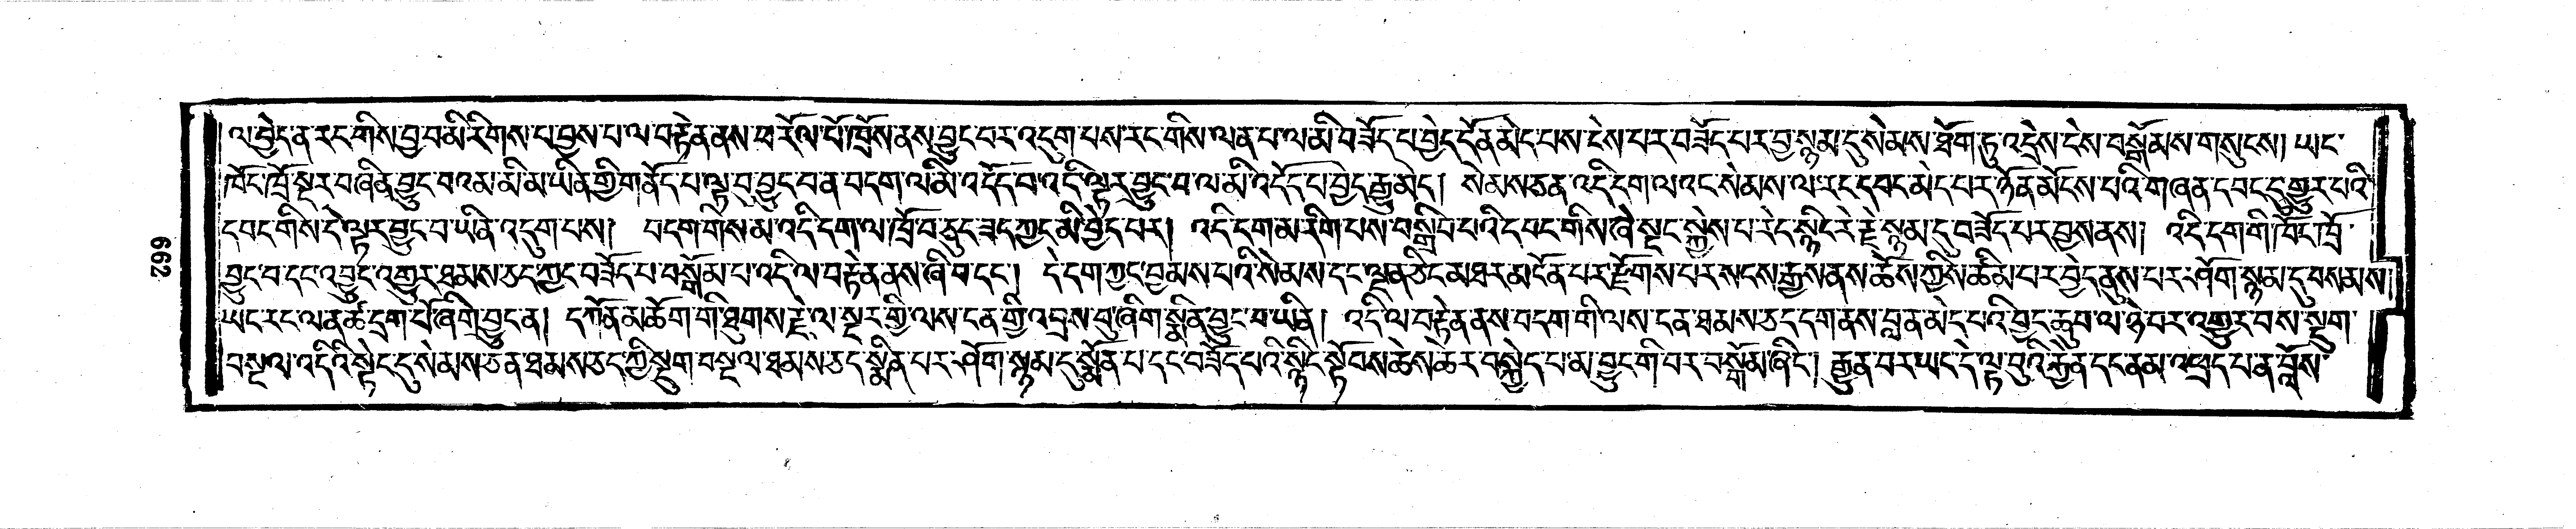ལ་བྱེད་ན་རང་གིས་བྱ་བ་མི་རིགས་པ་བྱས་པ་ལ་བརྟེན་ནས་ཕ་རོལ་པོ་ཁྲོས་ནས་བྱུང་བར་འདུག་པས་རང་གིས་ལེན་པ་ལ་མི་བཟོད་པ་བྱེད་དོན་མེད་པས་ངེས་པར་བཟོད་པར་བྱ་སྙམ་དུ་སེམས་ཐོག་ཏུ་འདྲེས་ངེས་བསྒོམས་གསུངས། ཡང་
ཁོང་ཁྲོ་སྔར་བཞིན་བྱུང་བའམ་མི་མ་ཡིན་གྱི་གནོད་པ་ལྟ་བུ་བྱུང་བ་ན་བདག་ལ་མི་འདོད་པ་འདི་ལྟར་བྱུང་བ་ལ་མི་འདོད་པ་བྱེད་རྒྱུ་མེད། སེམས་ཅན་འདི་དག་ལའང་སེམས་ལ་རང་དབང་མེད་པར་ཉོན་མོངས་པའི་གཞན་དབང་དུ་གྱུར་པའི་
དབང་གིས་དེ་ལྟར་བྱུང་བ་ཡིན་འདུག་པས། བདག་གིས་མ་འདི་དག་ལ་ཁྲོ་བ་ཅུང་ཟད་ཀྱང་མི་བྱེད་པར། འདི་དག་མ་རིག་པས་བསྒྲིབ་པའི་དབང་གིས་ཞེ་སྡང་སྐྱེས་པ་རེང་སྙིང་རྗེ་རྗེ་སྙམ་དུ་བཟོད་པར་བྱས་ནས། འདི་དག་གི་ཁོང་ཁྲོ་
བྱུང་བ་དང་འབྱུང་འགྱུར་ཐམས་ཅད་ཀྱང་བཟོད་པ་བསྒོམ་པ་འདི་ལ་བརྟེན་ནས་ཞི་བ་དང་། དེ་དག་ཀྱང་བྱམས་པའི་སེམས་དང་ལྡན་ཅིང་མཐར་མངོན་པར་རྫོགས་པར་སངས་རྒྱས་ནས་ཆོས་ཀྱི་ཚིམ་པར་བྱེད་ནུས་པར་ཤོག་སྙམ་དུ་བསམས་
ཡང་རང་ལ་ན་ཚ་དྲག་པོ་ཞིག་བྱུང་ན། དཀོན་མཆོག་གི་ཐུགས་རྗེ་ལ་སྔར་གྱི་ལས་ངན་གྱི་འབྲས་བུ་ཞིག་སྨིན་བྱུང་བ་ཡིན། དི་ལ་བརྟེན་ནས་བདག་གི་ལས་ངན་ཐམས་ཅད་དག་ནས་བླ་ན་མེད་པའི་བྱང་ཆུབ་ལ་ཉེ་བར་འགྱུར་བས་སྡུག་
བསྔལ་འདིའི་སྟེང་དུ་སེམས་ཅན་ཐམས་ཅད་ཀྱི་སྡུག་བསྔལ་ཐམས་ཅད་སྨིན་པར་ཤོག་སྙམ་དུ་སྨོན་པ་དང་བཟོད་པའི་སྙིང་སྟོབས་ཆེས་ཆེར་བསྐྱེད་པ་མ་བྱུང་གི་བར་བསྒོམ་ཞིང་། རྒྱུན་བར་ཡང་དེ་ལྟ་བུའི་རྐྱེན་དང་ནམ་འཕྲད་པ་ན་བློས་